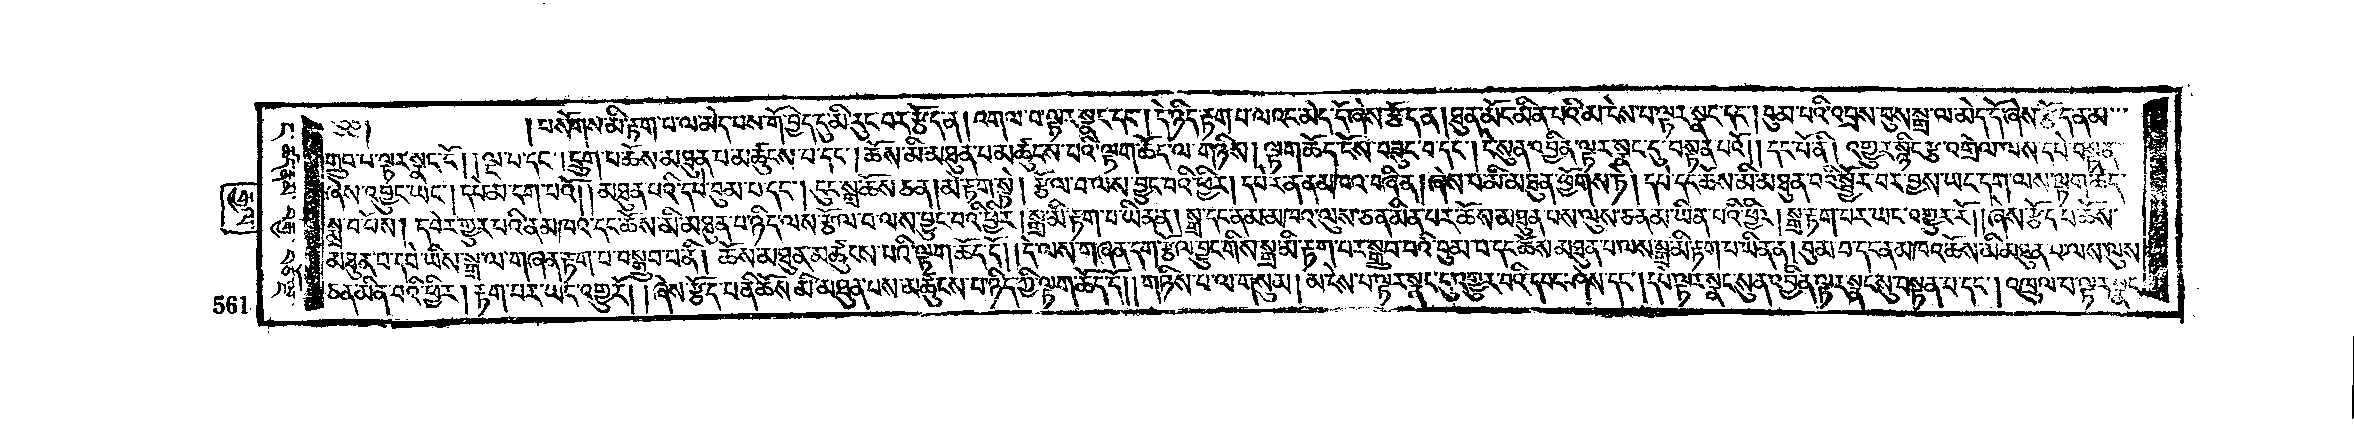༄༅། །པ་སོགས་མི་རྟག་པ་ལ་མེད་པས་གོ་བྱེད་དུ་མི་རུང་བར་རྩོད་ན། འགལ་བ་ལྟར་སྣང་དང་། དེ་ཉིད་རྟག་པ་ལའང་མེད་དོ་ཞེས་རྩོད་ན། ཐུན་མོང་མིན་པའི་མ་ངེས་པ་ལྟར་སྣང་དང་། བུམ་པའི་འབྲས་བུས་སྒྲ་ལ་མེད་དོ་ཞེས་རྩོད་ན་མ་
གྲུབ་པ་ལྟར་སྣང་ངོ། །ལྔ་པ་དང་། དྲུག་པ་ཆོས་མཐུན་པ་མཚུངས་པ་དང་། ཆོས་མི་མཐུན་པ་མཚུངས་པའི་ལྟག་ཆོད་ལ་གཉིས། ལྟག་ཆོད་ངོས་བཟུང་བ་དང་། དེ་སུན་འབྱིན་ལྟར་སྣང་དུ་བསྟན་པའོ། །དང་པོ་ནི། འགྱུར་སྙིང་རྩ་འགྲེལ་ལས་དཔེ་བསྟན་
ཞེས་འབྱུང་ཡང་། དཔེ་མ་དག་པའོ། །མཐུན་པའི་དཔེ་བུམ་པ་དང་། དུང་སྒྲ་ཆོས་ཅན། མི་རྟག་སྟེ། རྩོལ་བ་ལས་བྱུང་བའི་ཕྱིར། དཔེར་ན་ནམ་མཁའ་བཞིན། ཞེས་པ་མི་མཐུན་ཕྱོགས་ཏེ། དཔེ་དང་ཆོས་མི་མཐུན་པའི་སྦྱོར་བར་བྱས་ཡང་དག་ལས་ལྟག་ཆེད་
སྨྲ་བ་པས་དཔེར་གྱུར་པའི་ནམ་མཁའ་དང་ཆོས་མི་མཐུན་པ་ཉིད་ལས་རྩོལ་བ་ལས་བྱུང་བའི་ཕྱིར། སྒྲ་མི་རྟག་པ་ཡིན་ན། སྒྲ་དང་ནམ་མཁའ་ལུས་ཅན་མིན་པར་ཆོས་མཐུན་པས་ལུས་ཅན་མ་ཡིན་པའི་ཕྱིར། སྒྲ་རྟག་པར་ཡང་འགྱུར་རོ། །ཞེས་རྩོད་པ་ཆོས་
མཐུན་པ་དཔེ་ཡིས་སྒྲ་ལ་གཞན་རྟག་པ་བསྒྲུབ་པ་ནི། ཆོས་མཐུན་མཚུངས་པའི་ལྟག་ཆོད་དོ། །དེ་ལས་གཞན་དག་རྩོལ་བྱུང་གིས་སྒྲ་མི་རྟག་པར་སྒྲུབ་པའི་བུམ་པ་དང་ཆོས་མཐུན་པ་ལས་སྒྲ་མི་རྟག་པ་ཡིན་ན། བུམ་པ་དང་ནམ་མཁའ་ཆོས་མི་མཐུན་པ་ལས་ལུས་
ཅན་མིན་པའི་ཕྱིར། རྟག་པར་ཡང་འགྱུར་རོ། །ཞེས་རྩོད་པ་ནི་ཆོས་མི་མཐུན་པས་མཚུངས་པ་ཉིད་ཀྱི་ལྟག་ཆོད་དོ། །གཉིས་པ་ལ་གསུམ། མ་ངེས་པ་ལྟར་སྣང་དུ་འགྱུར་བའི་དབང་ཤེས་དང་། དཔེ་ལྟར་སྣང་སུན་འབྱིན་ལྟར་སྣང་སུ་བསྟན་པ་དང་། འཁྲུལ་པ་ལྟར་སྣང་